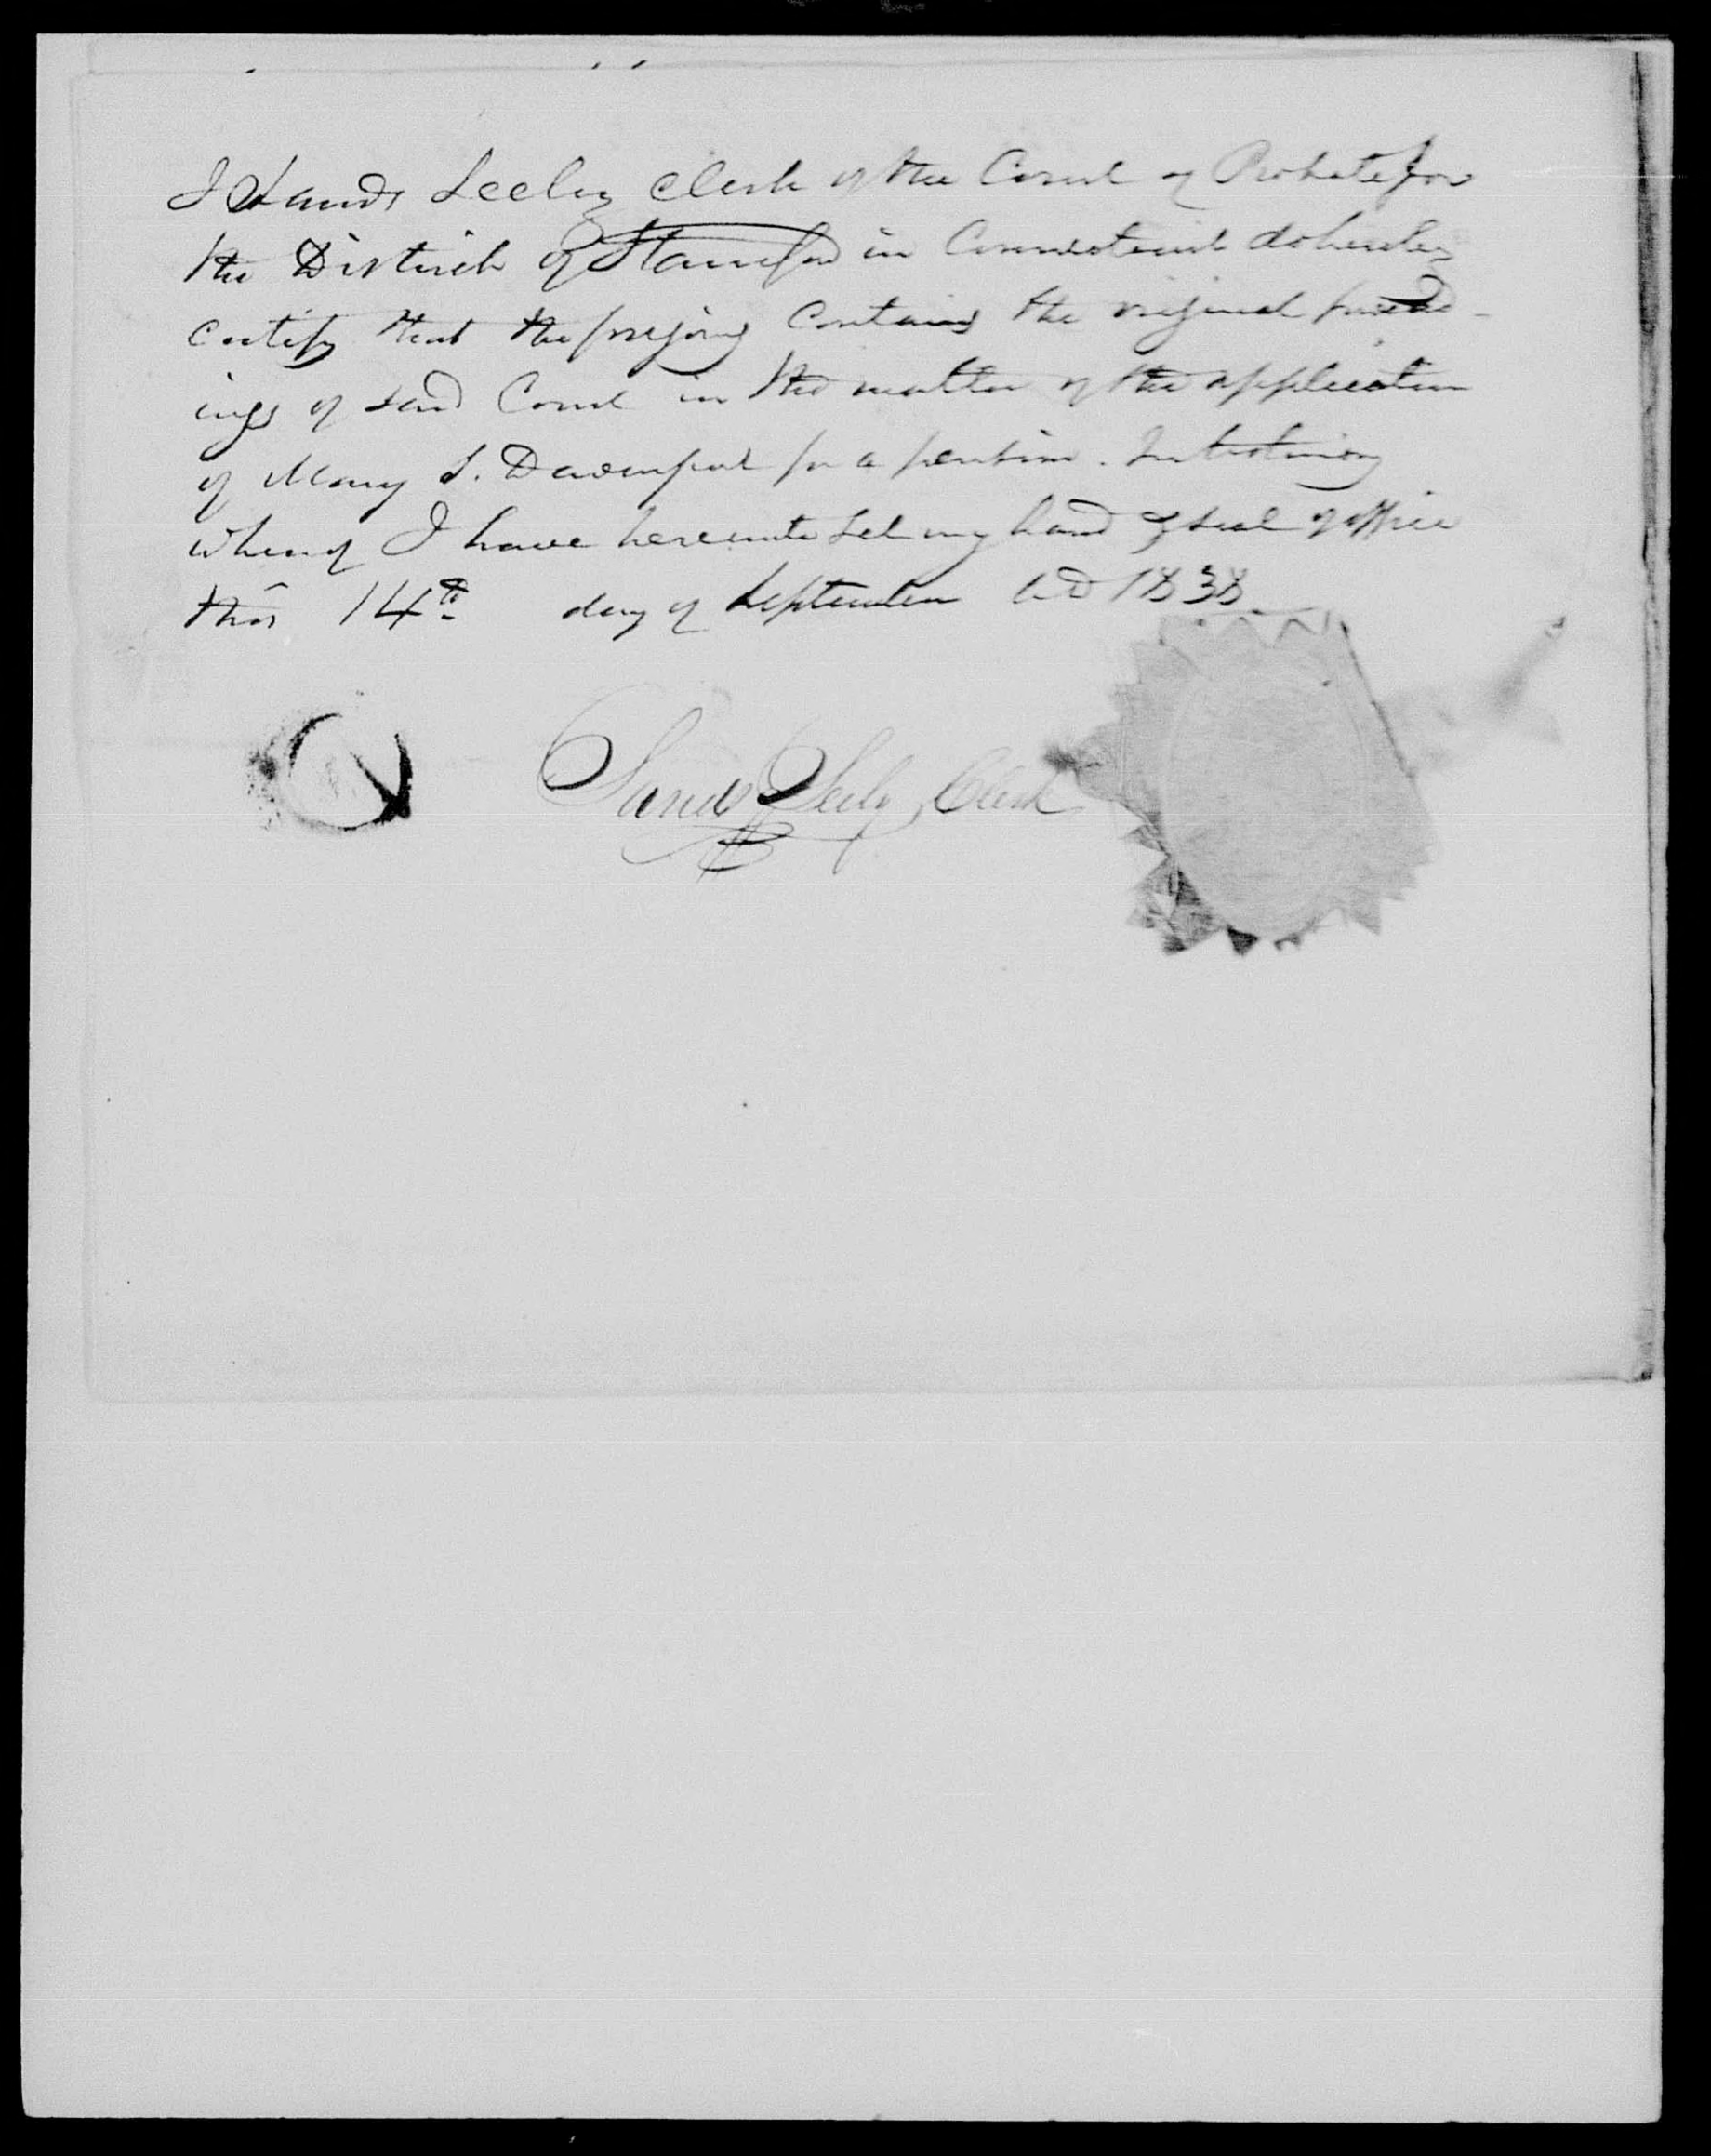I Sands Seely clerk of the Court of Probate for the District of Stamford in Connecticut do hereby certify that the foregoing contains the original proceedings of said Court in the matter of the application of Mary S. Davenport for a pension. In testimony whereof I have herunto set my hand & seal of office this 14th day of September AD 1838
Sands Seely Clerk
[Seal]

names: Sand Seely, Mary S Davenport, Sand Seeley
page: 7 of 15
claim: widow's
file: W 17711, John Davenport, Conn.